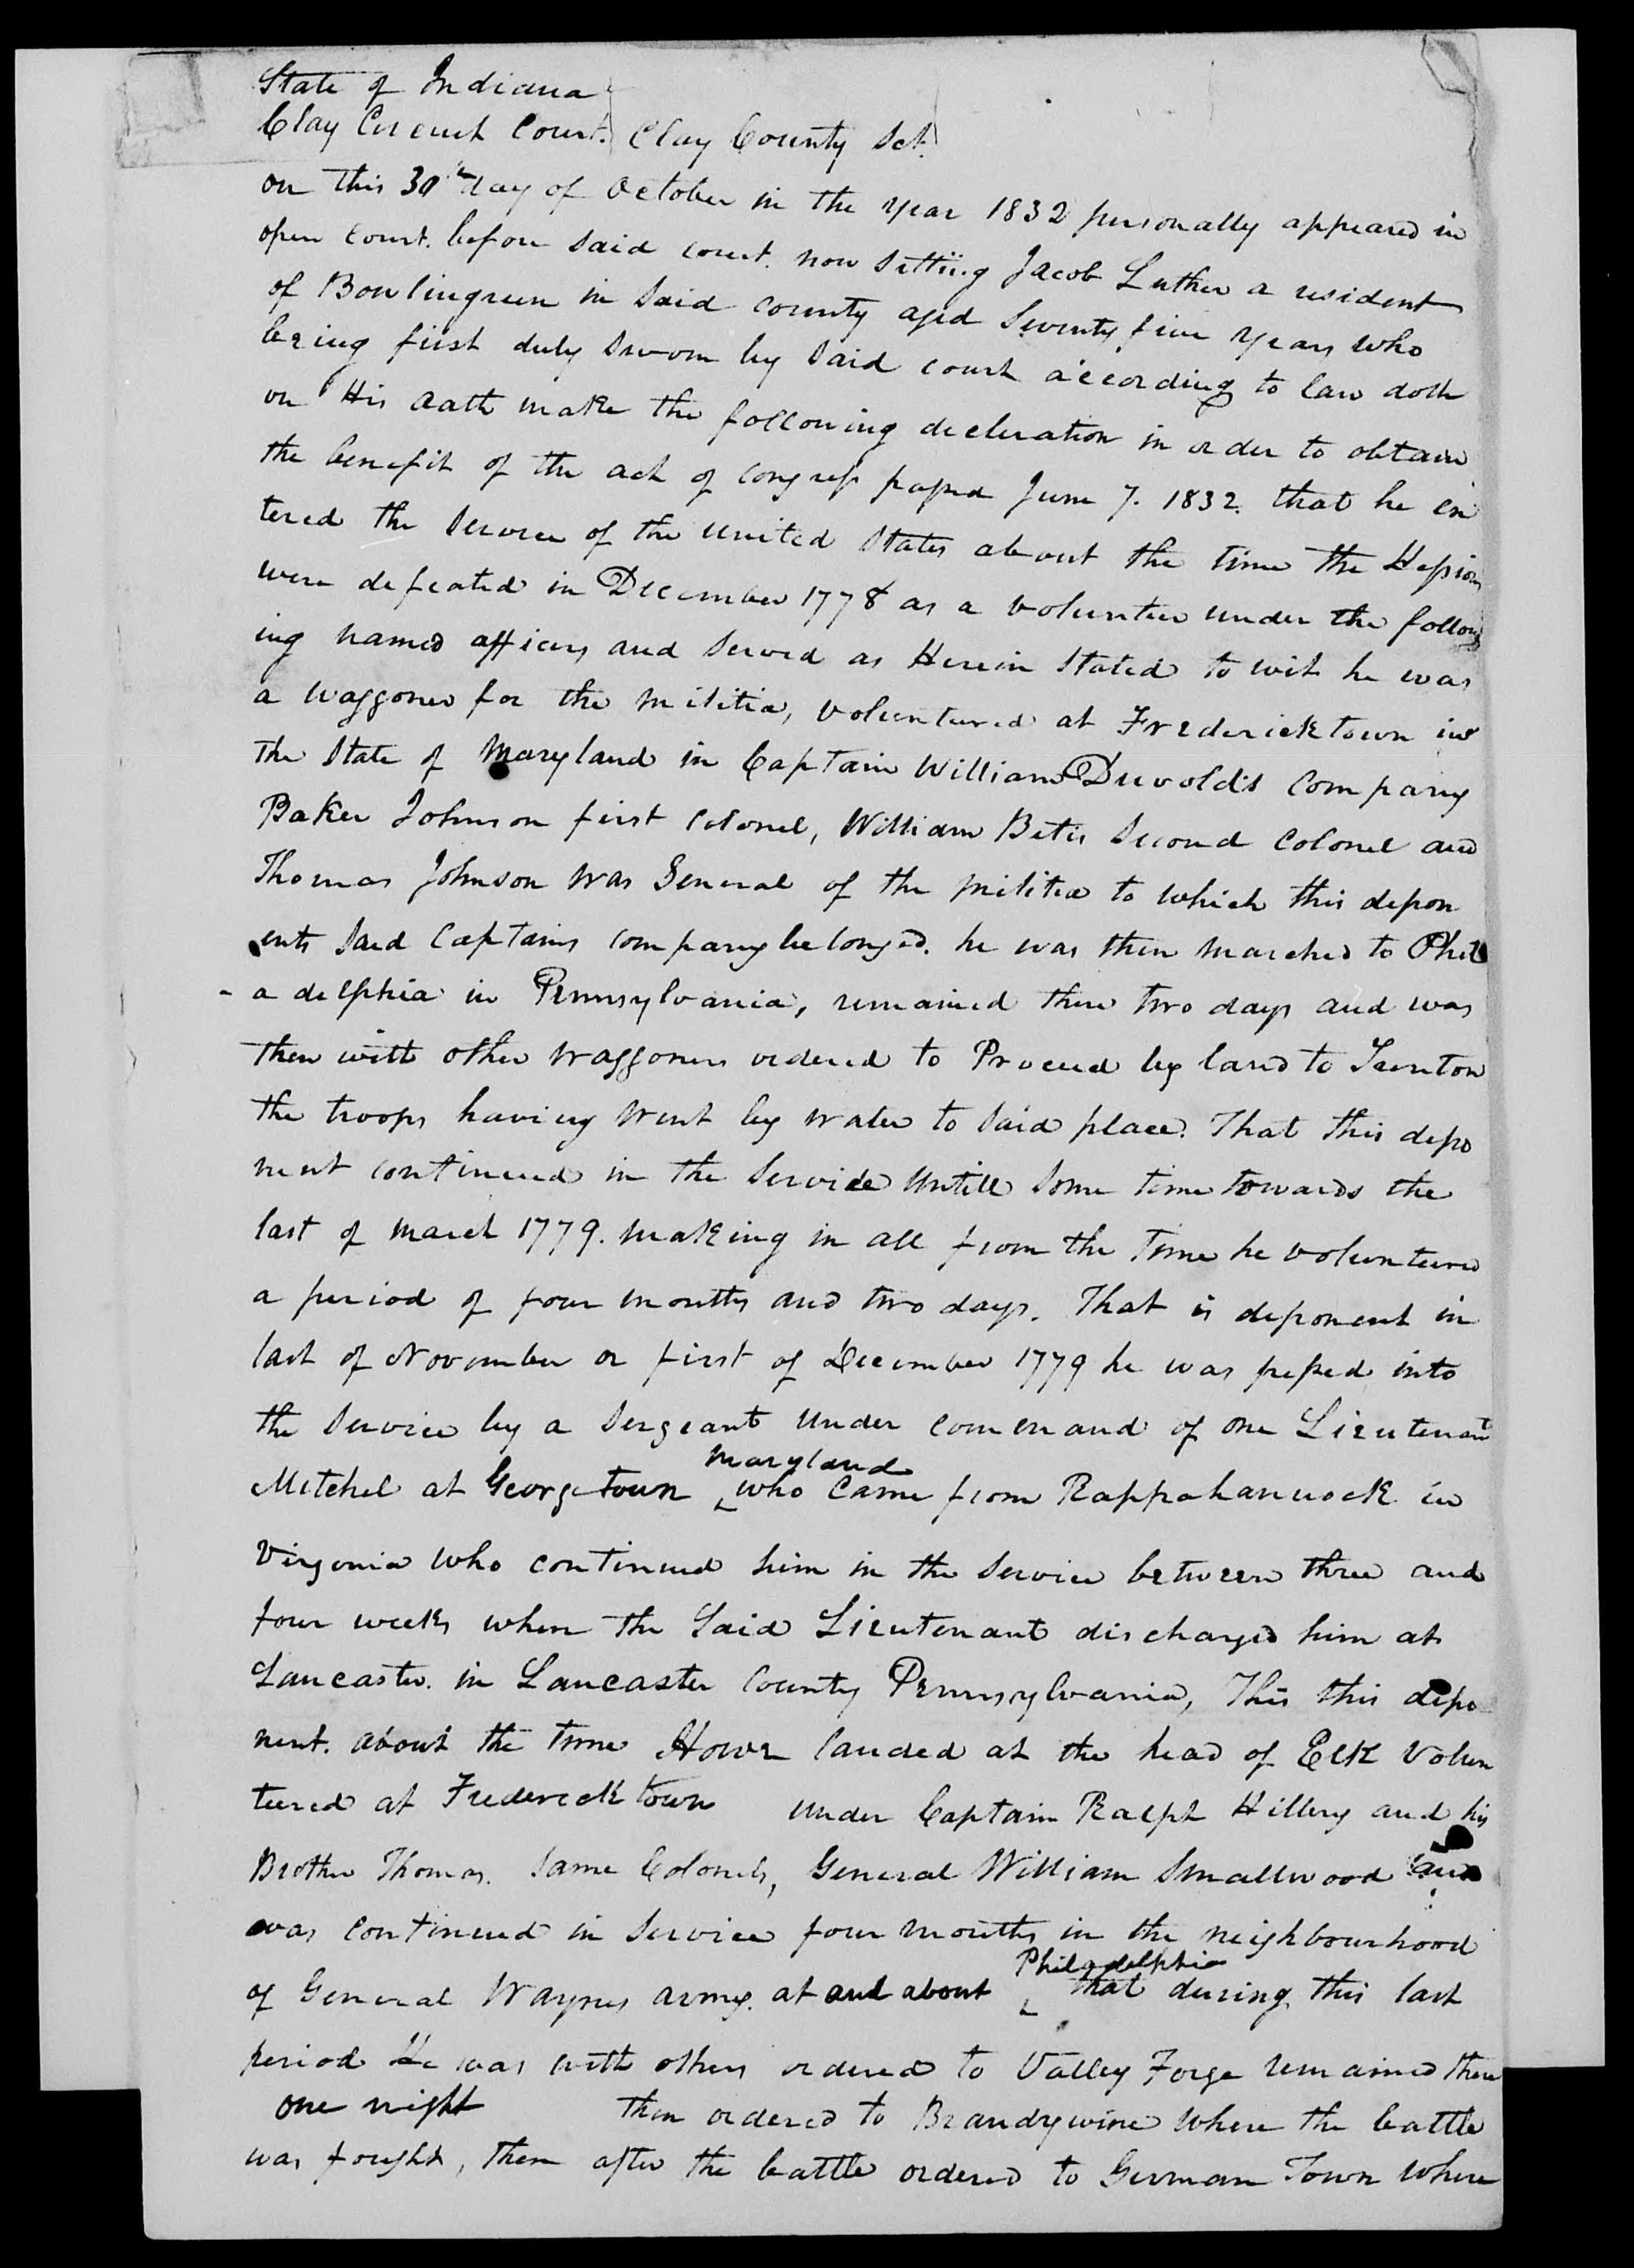State of Indiana
 Clay Circuit Court Clay County Sct
 on this 30th day of October in the year 1832 personally appeared in open Court before said Court now sitting Jacob Luther a resident of Bowlingreen in said County aged Seventy five years who being first duly sworn by said court according to law doth on his oath make the following declaration in order to obtain the benefit of the act of Congress paped June 7. 1832 that he entered the service of the United States about the time the Hessians were defeated in December 1778 as a volunteer under the follow ing named officers and served as herein stated to wit he was a waggoner for the militia, volunteered at Fredericktown in the State of Maryland in Captain William Duvold's Company Baker Johnson first Colonel, William Betis Second Colonel and Thomas Johnson was General of the militia to which this depon ents said Captains company belonged. he was then marched to Philadelphia in Pennsylvania, remained there two days and was then with other Waggoners ordered to proceed by land to Trenton the troops having went by water to said place. That this depo ment continued in the service untill some time towards the last of March 1779. Making in all from the time he volunteered a period of four months and two days. That is deponent in last of November or first of December 1779 he was pressed into the service by a Sergeant under command of one Lieutenant Mitchel [Mitchell ?] at Georgetown Maryland who came from Rappahannock in Virginia who continued him in the service between three and four weeks when the said Lieutenant discharged him at Lancaster in Lancaster County Pennsylvania. This this depo ment about the time Howe landed at the head of Elk Volunteered at Fredericktown under Captain Ralph Hillery and his Brother Thomas. Same Colonels, General William Smallwood and was continued in service four months in the neighbourhood of General Waynes army at and about Philadelphia that during this last period he was with others ordered to Valley Forge remained then one night then ordered to Brandywine where the battle was fought, then after the battle ordered to German Town where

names: Ralph Hillery; Jacob Luther; William Smallwood; [BLANK] Wayne; Baker Johnson; Thomas Johnson; William Betis; [BLANK] Mitchel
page: 7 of 23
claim: rejected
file: R. 6533, for Jacob Luther, Maryland